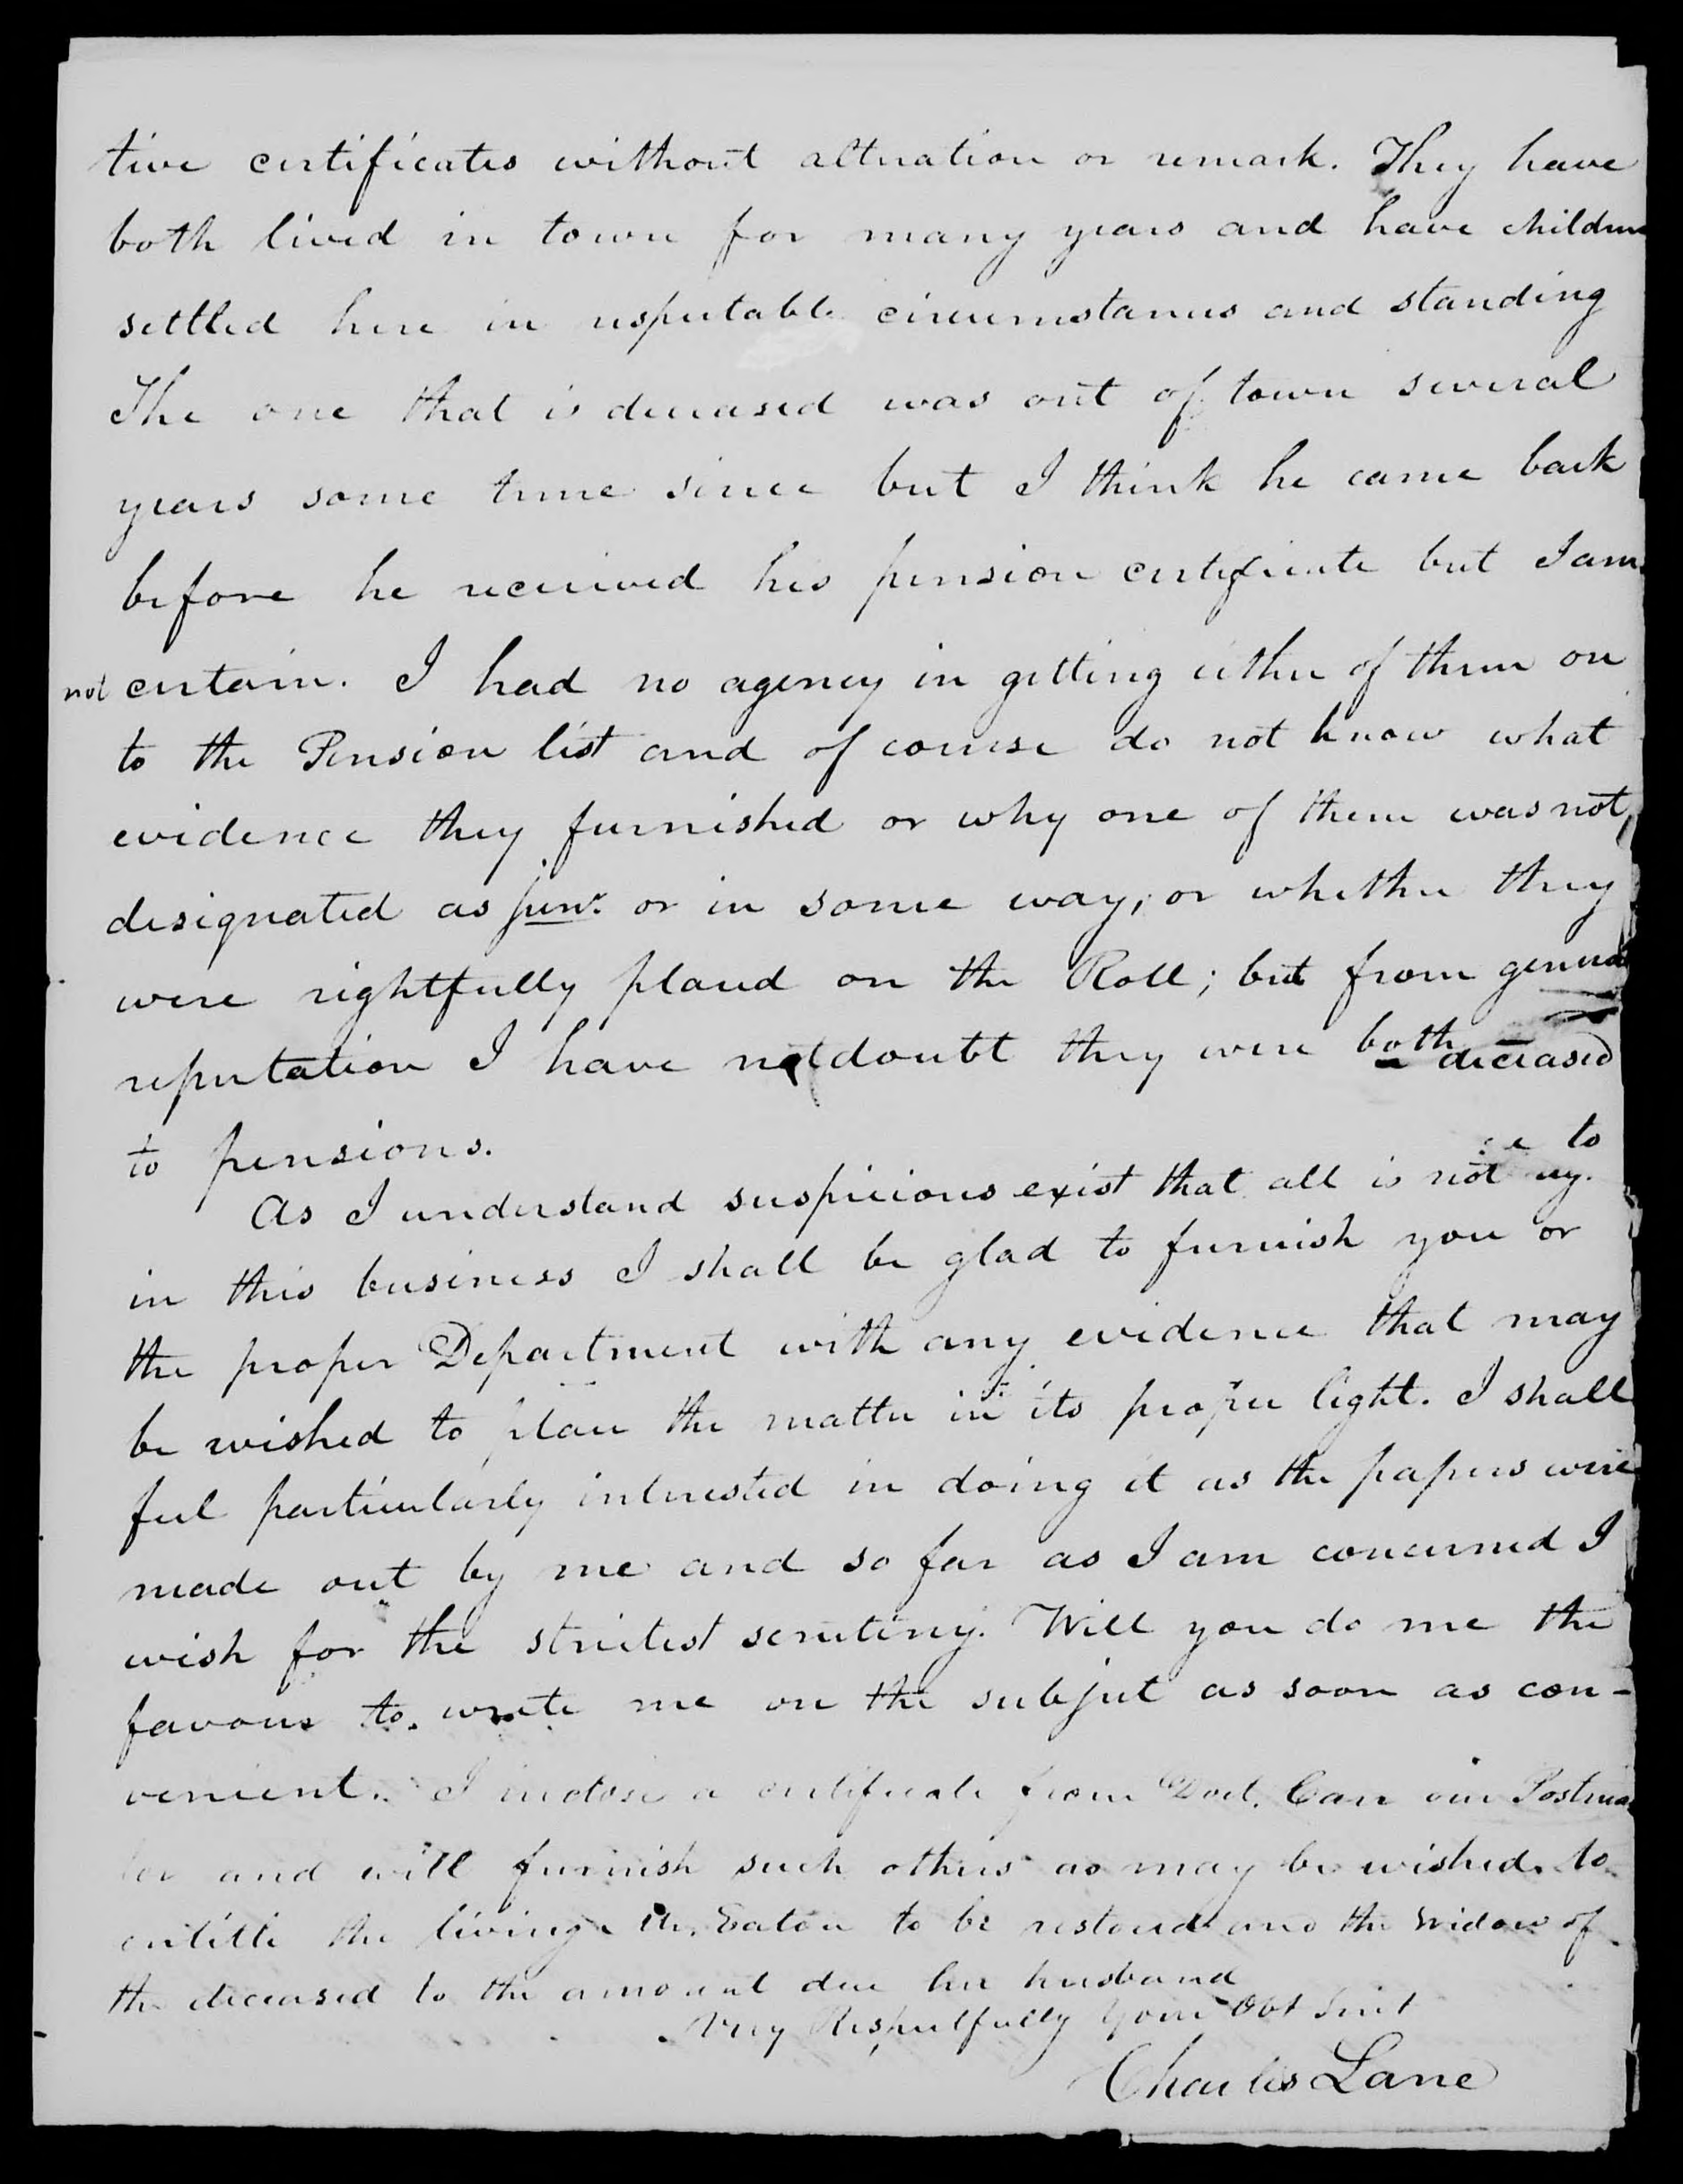tive certificate without alteration or remark. They have both lived in town for many years and have children settled here in respectable circumstances and standing. The one that is deceased was out of town several years some time since but I think he came back before he received his pension certificate but I am not certain. I had no agency in getting either of them on to the Pension list and of course do not know what evidence they furnished or why one of them was not designated as pensr or in some way or whether they were rightfully placed on the roll; but from general reputation I have not doubt they were both deceased to pensions 

As I understand suspicins exist that all is not a in this business I shall be glad to furnish you or the proper Department with any evidence that may be wished to place the matter in its proper light. I shall feel particularly interested in doing it as the papers were made out by me and so far as I am concerned I wish for the strictest scrutiny. Will you do me the favour to write me on the subject as soon as convenient . I enclose a certificate from Doct. Carr our Postman and will furnish such others as may be wished to entitle the living Mr. Eaton to be restored and the widow of the deceased to the amount due her husband 
Very Respectfully Your Obt Servt
Charles Lane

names: Charles Lane, Carr, Carr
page: 18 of 21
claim: survivor's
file: S. 16374, William Eaton, Continental Mass. N.H.